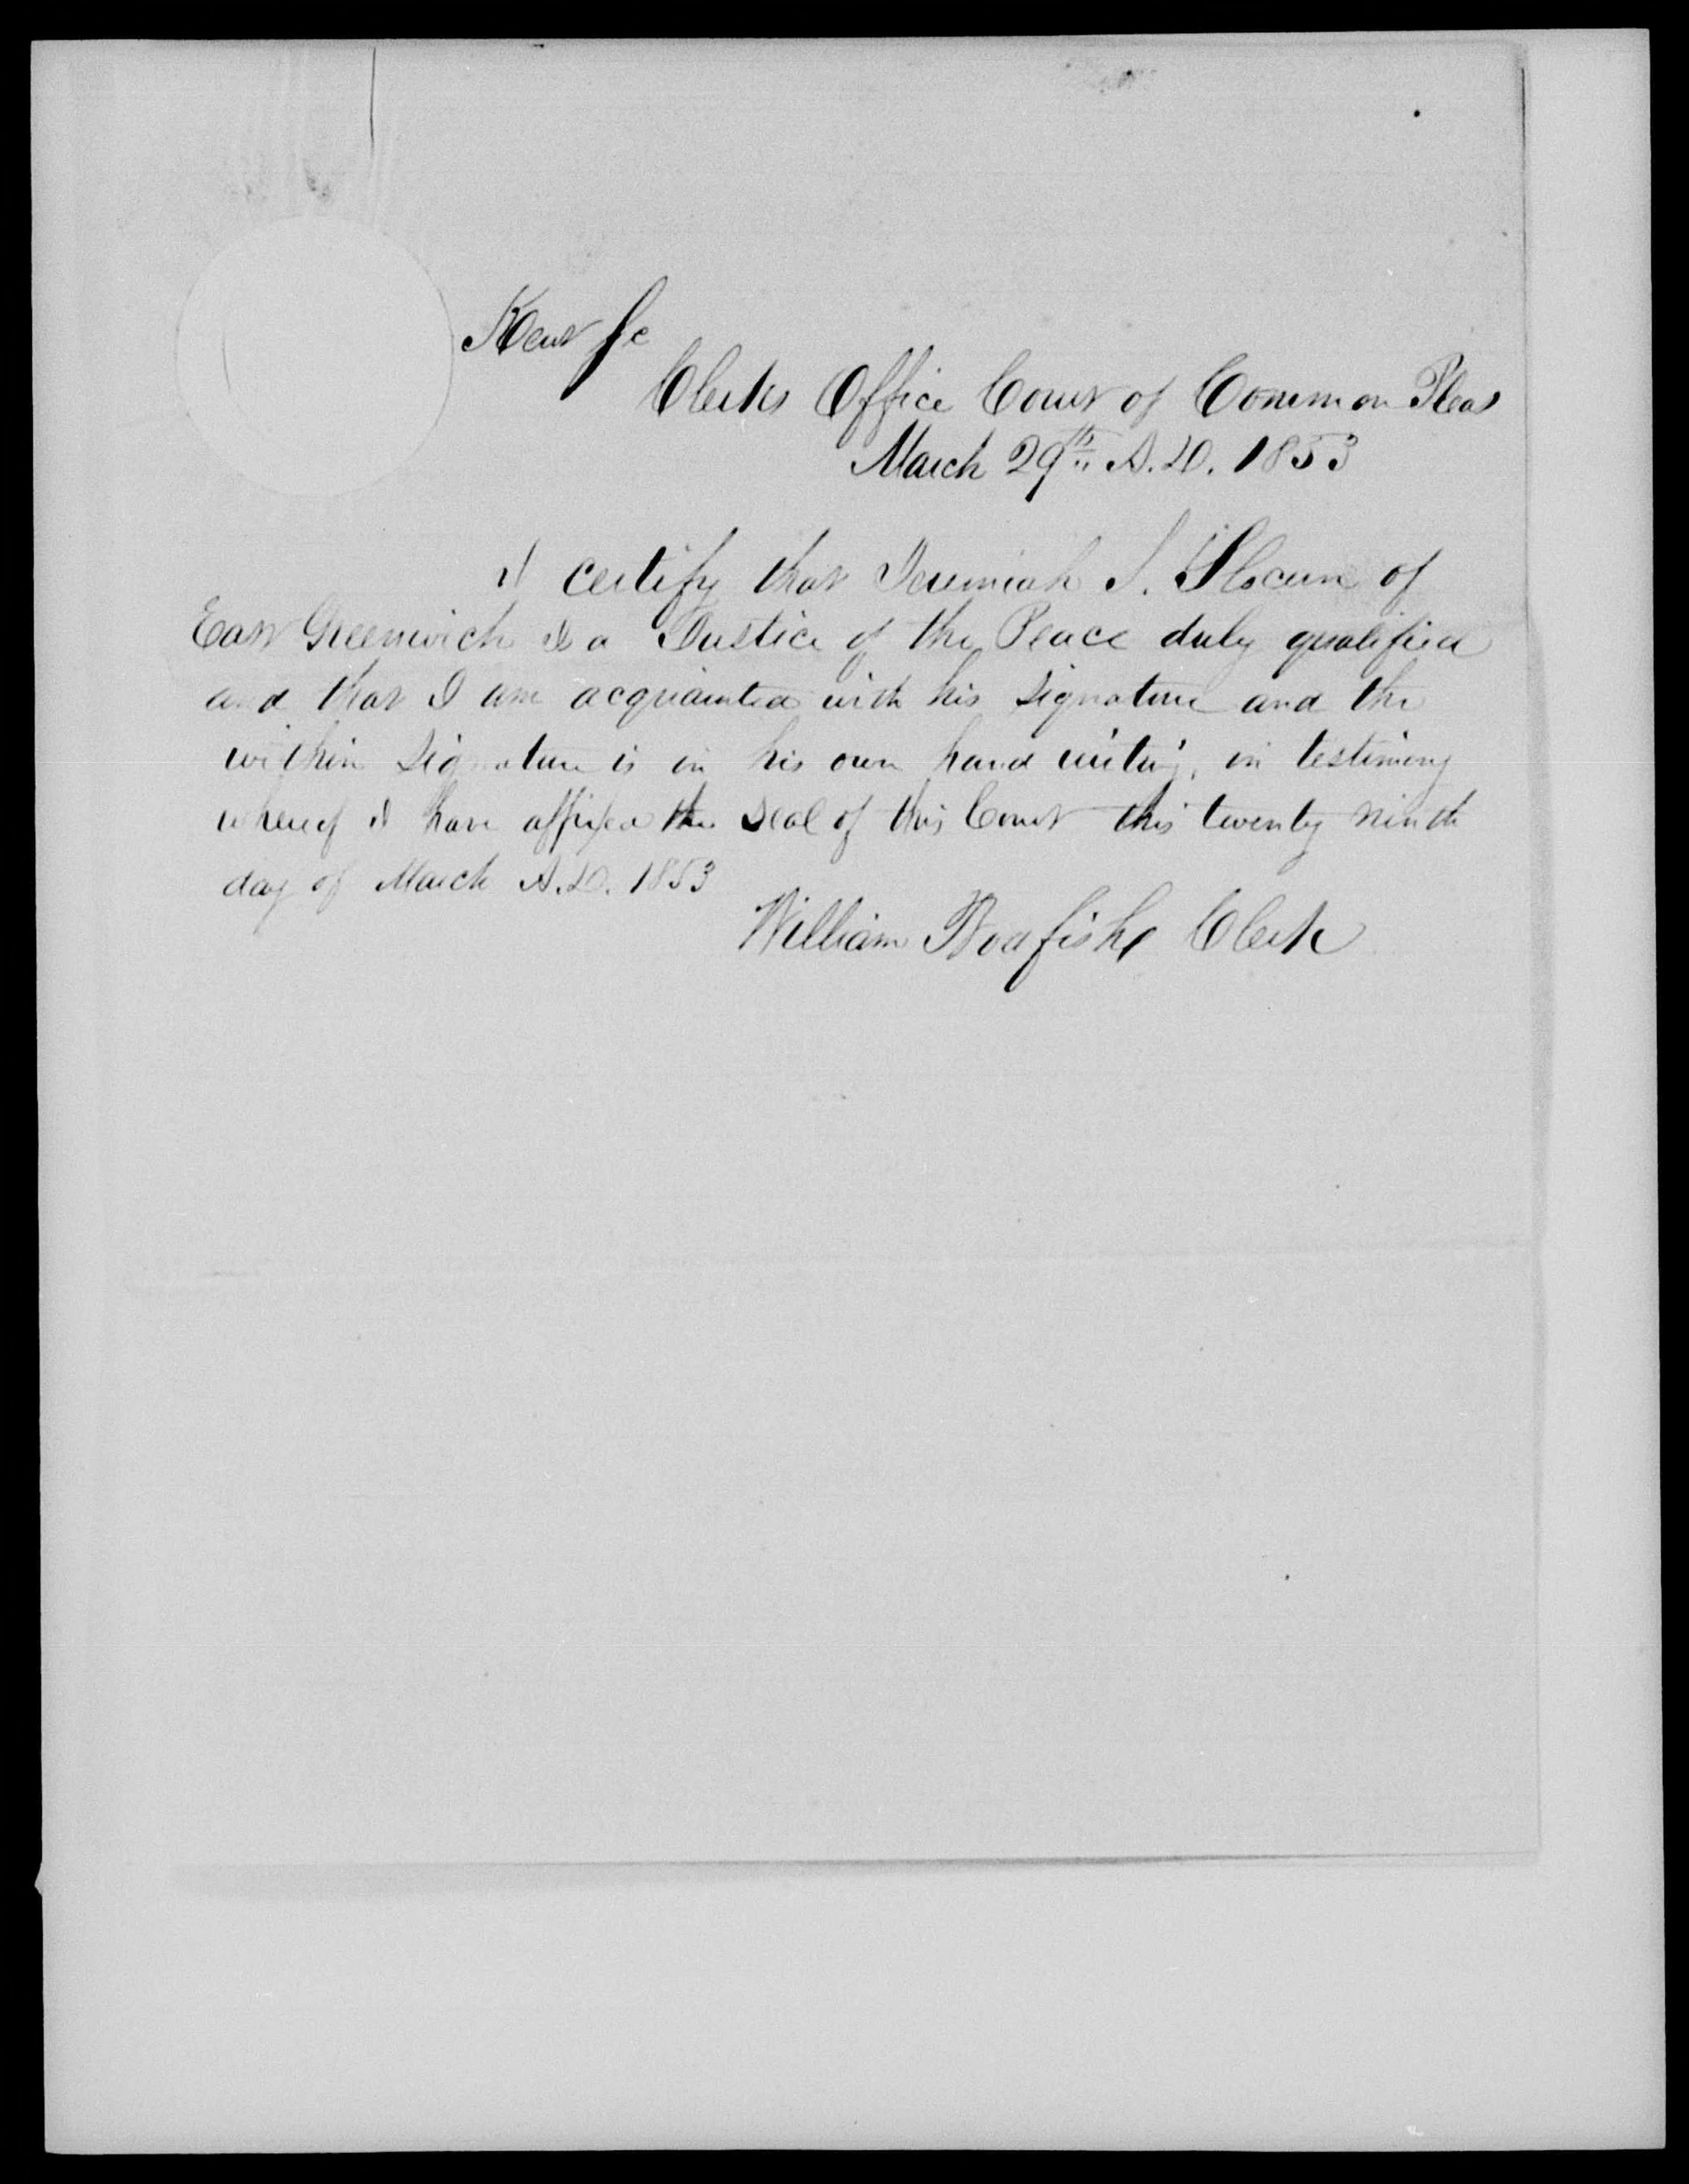[illegible]
Clerks Office Court of Common Pleas
March 29th A.D. 1853

I certify that Jeremiah S Slocum of East Greenwich is a Justice of the Peace duly qualified and that I am acquainted with his signature and the within signature is in his own hand writing in testimony whereof I have affixed the seal of this court this twenty ninth day of March A.D. 1853
William Rodfish  Clerk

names: Jeremiah S Slocum; William Rodfish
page: 32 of 44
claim: survivor's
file: S. 28,815, for Philip Morris, Rhode Island